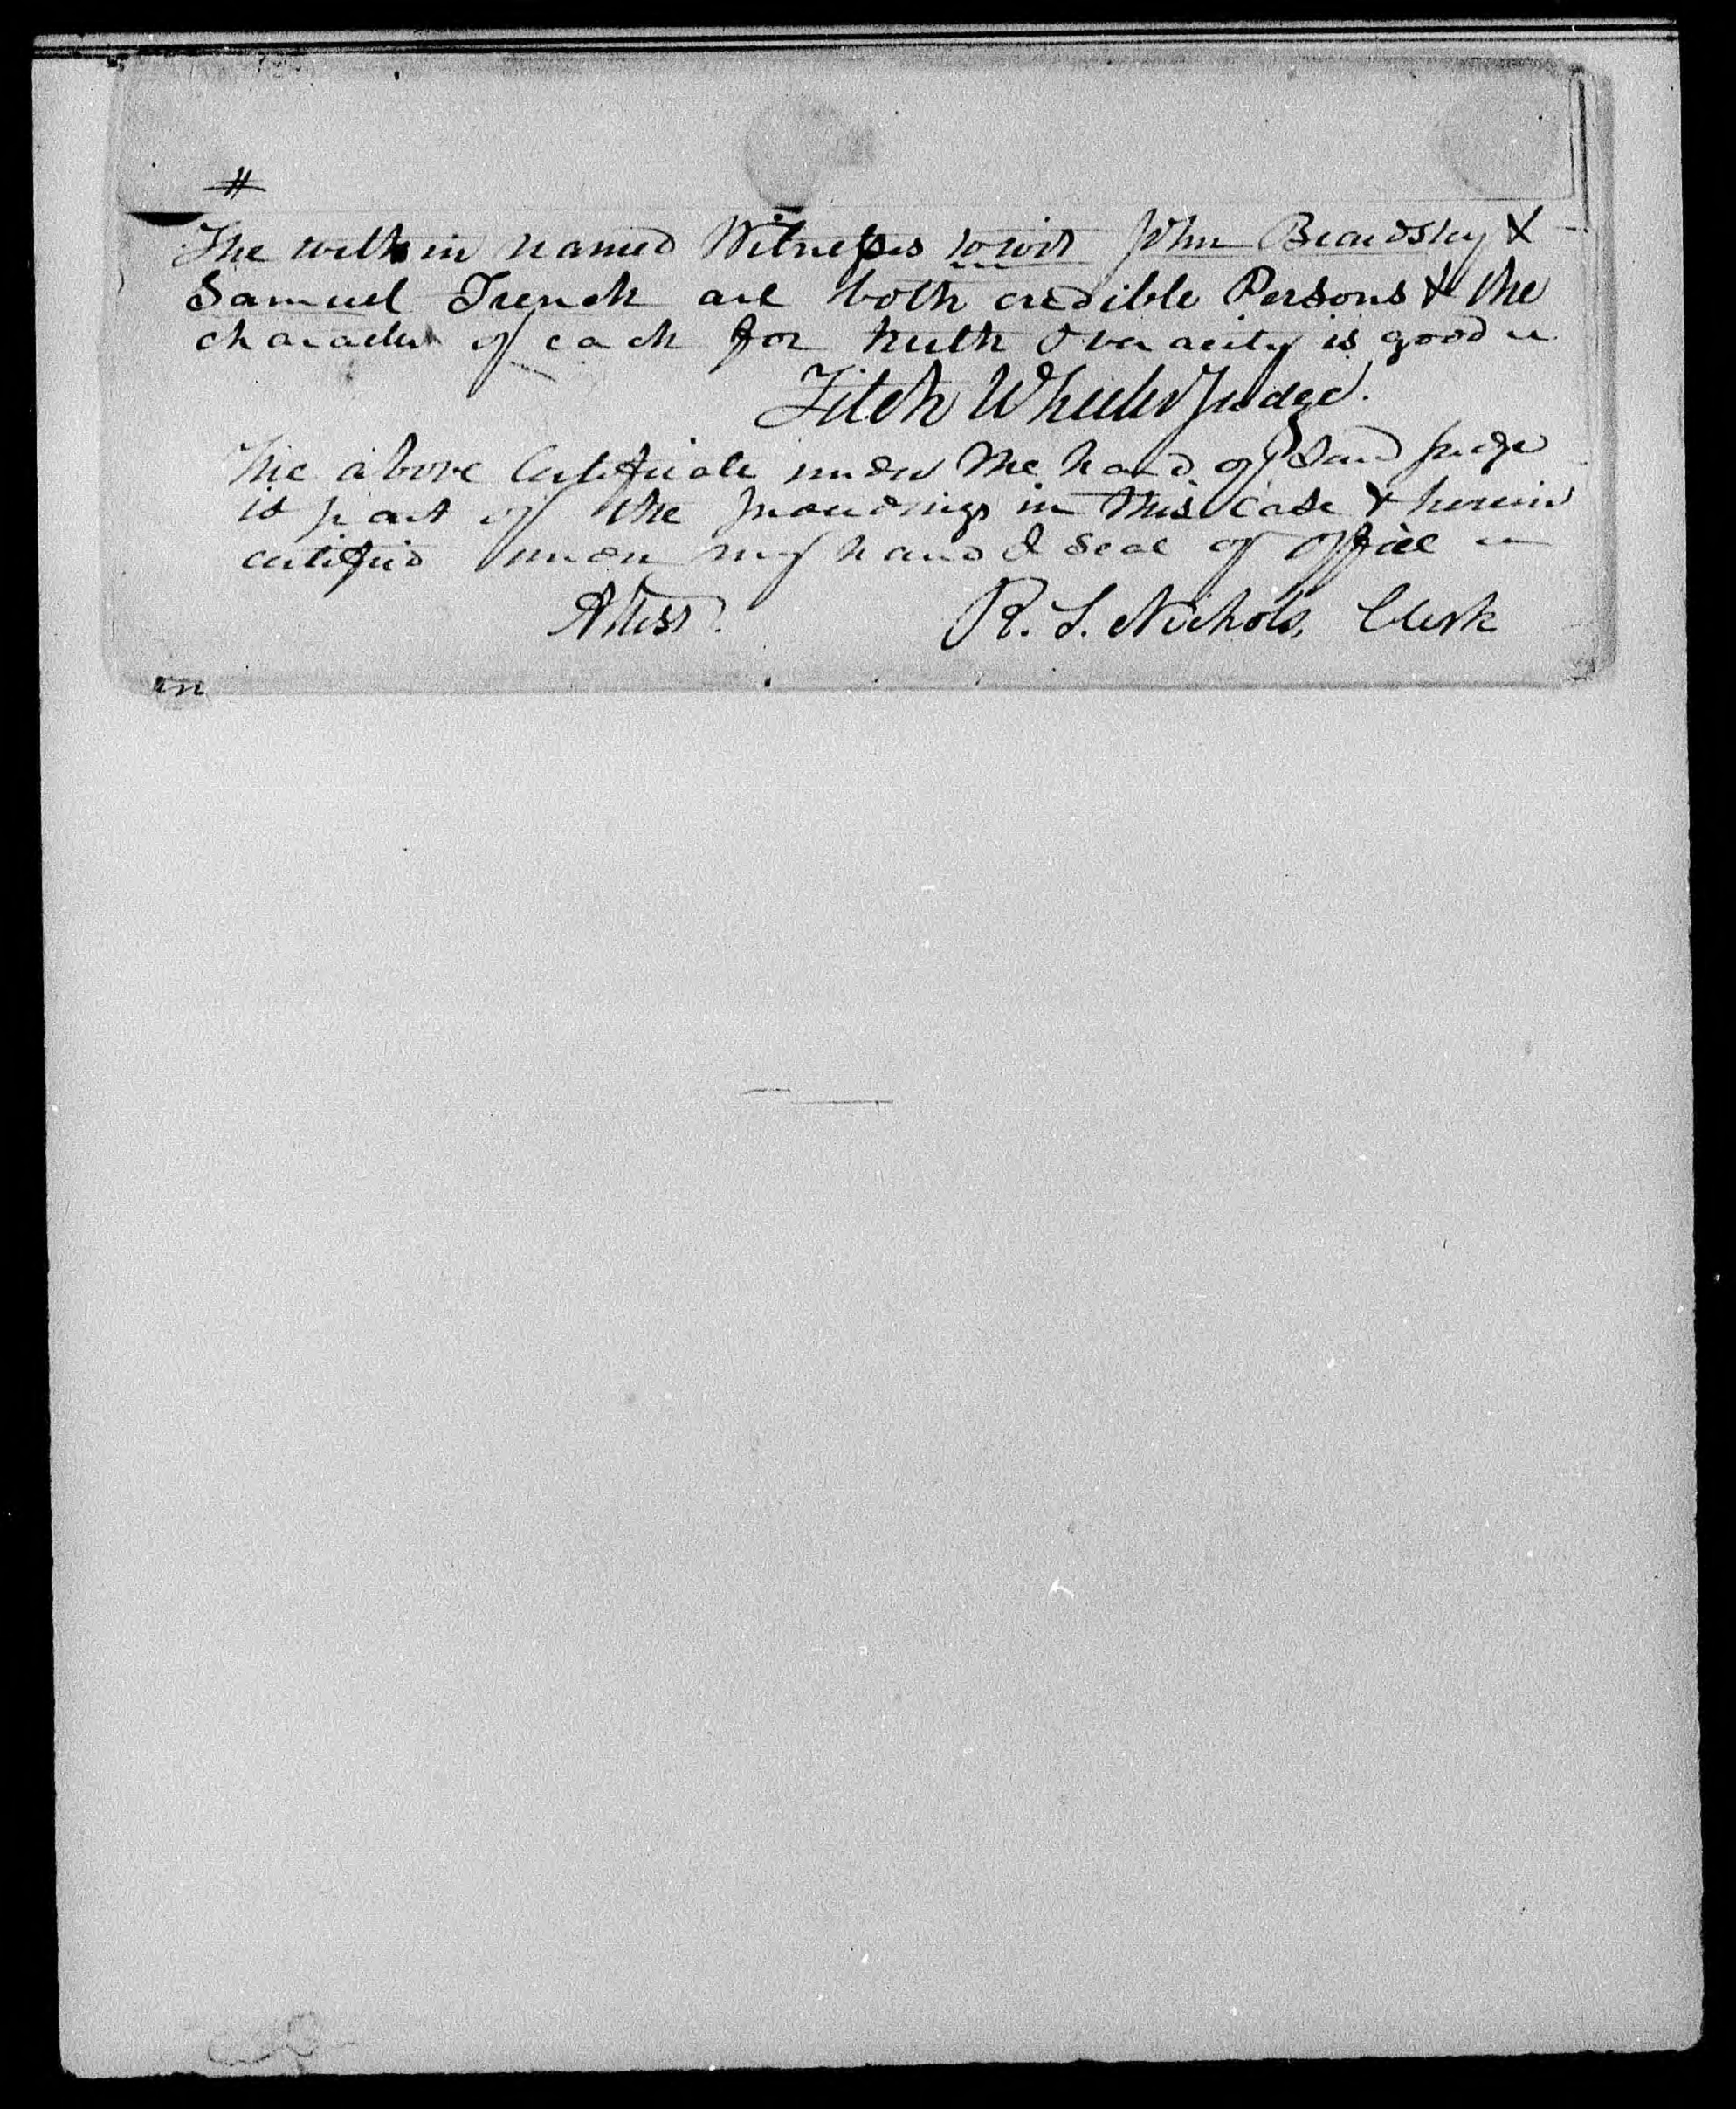#
The within named Witnefses towit John Beardsley & Samuel French are both credible Persons & the character of each for truth & veracity is good--
Fitch Wheeler Judge

The above Certificate under the hand of said Judge is part of the proceedings in this case & herein certified under my hand & seal of office--
Attest
R.S. Nichols Clerk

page: 8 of 10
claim: survivor's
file: S. 18468, for Eliphalet Jennings, Connecticut